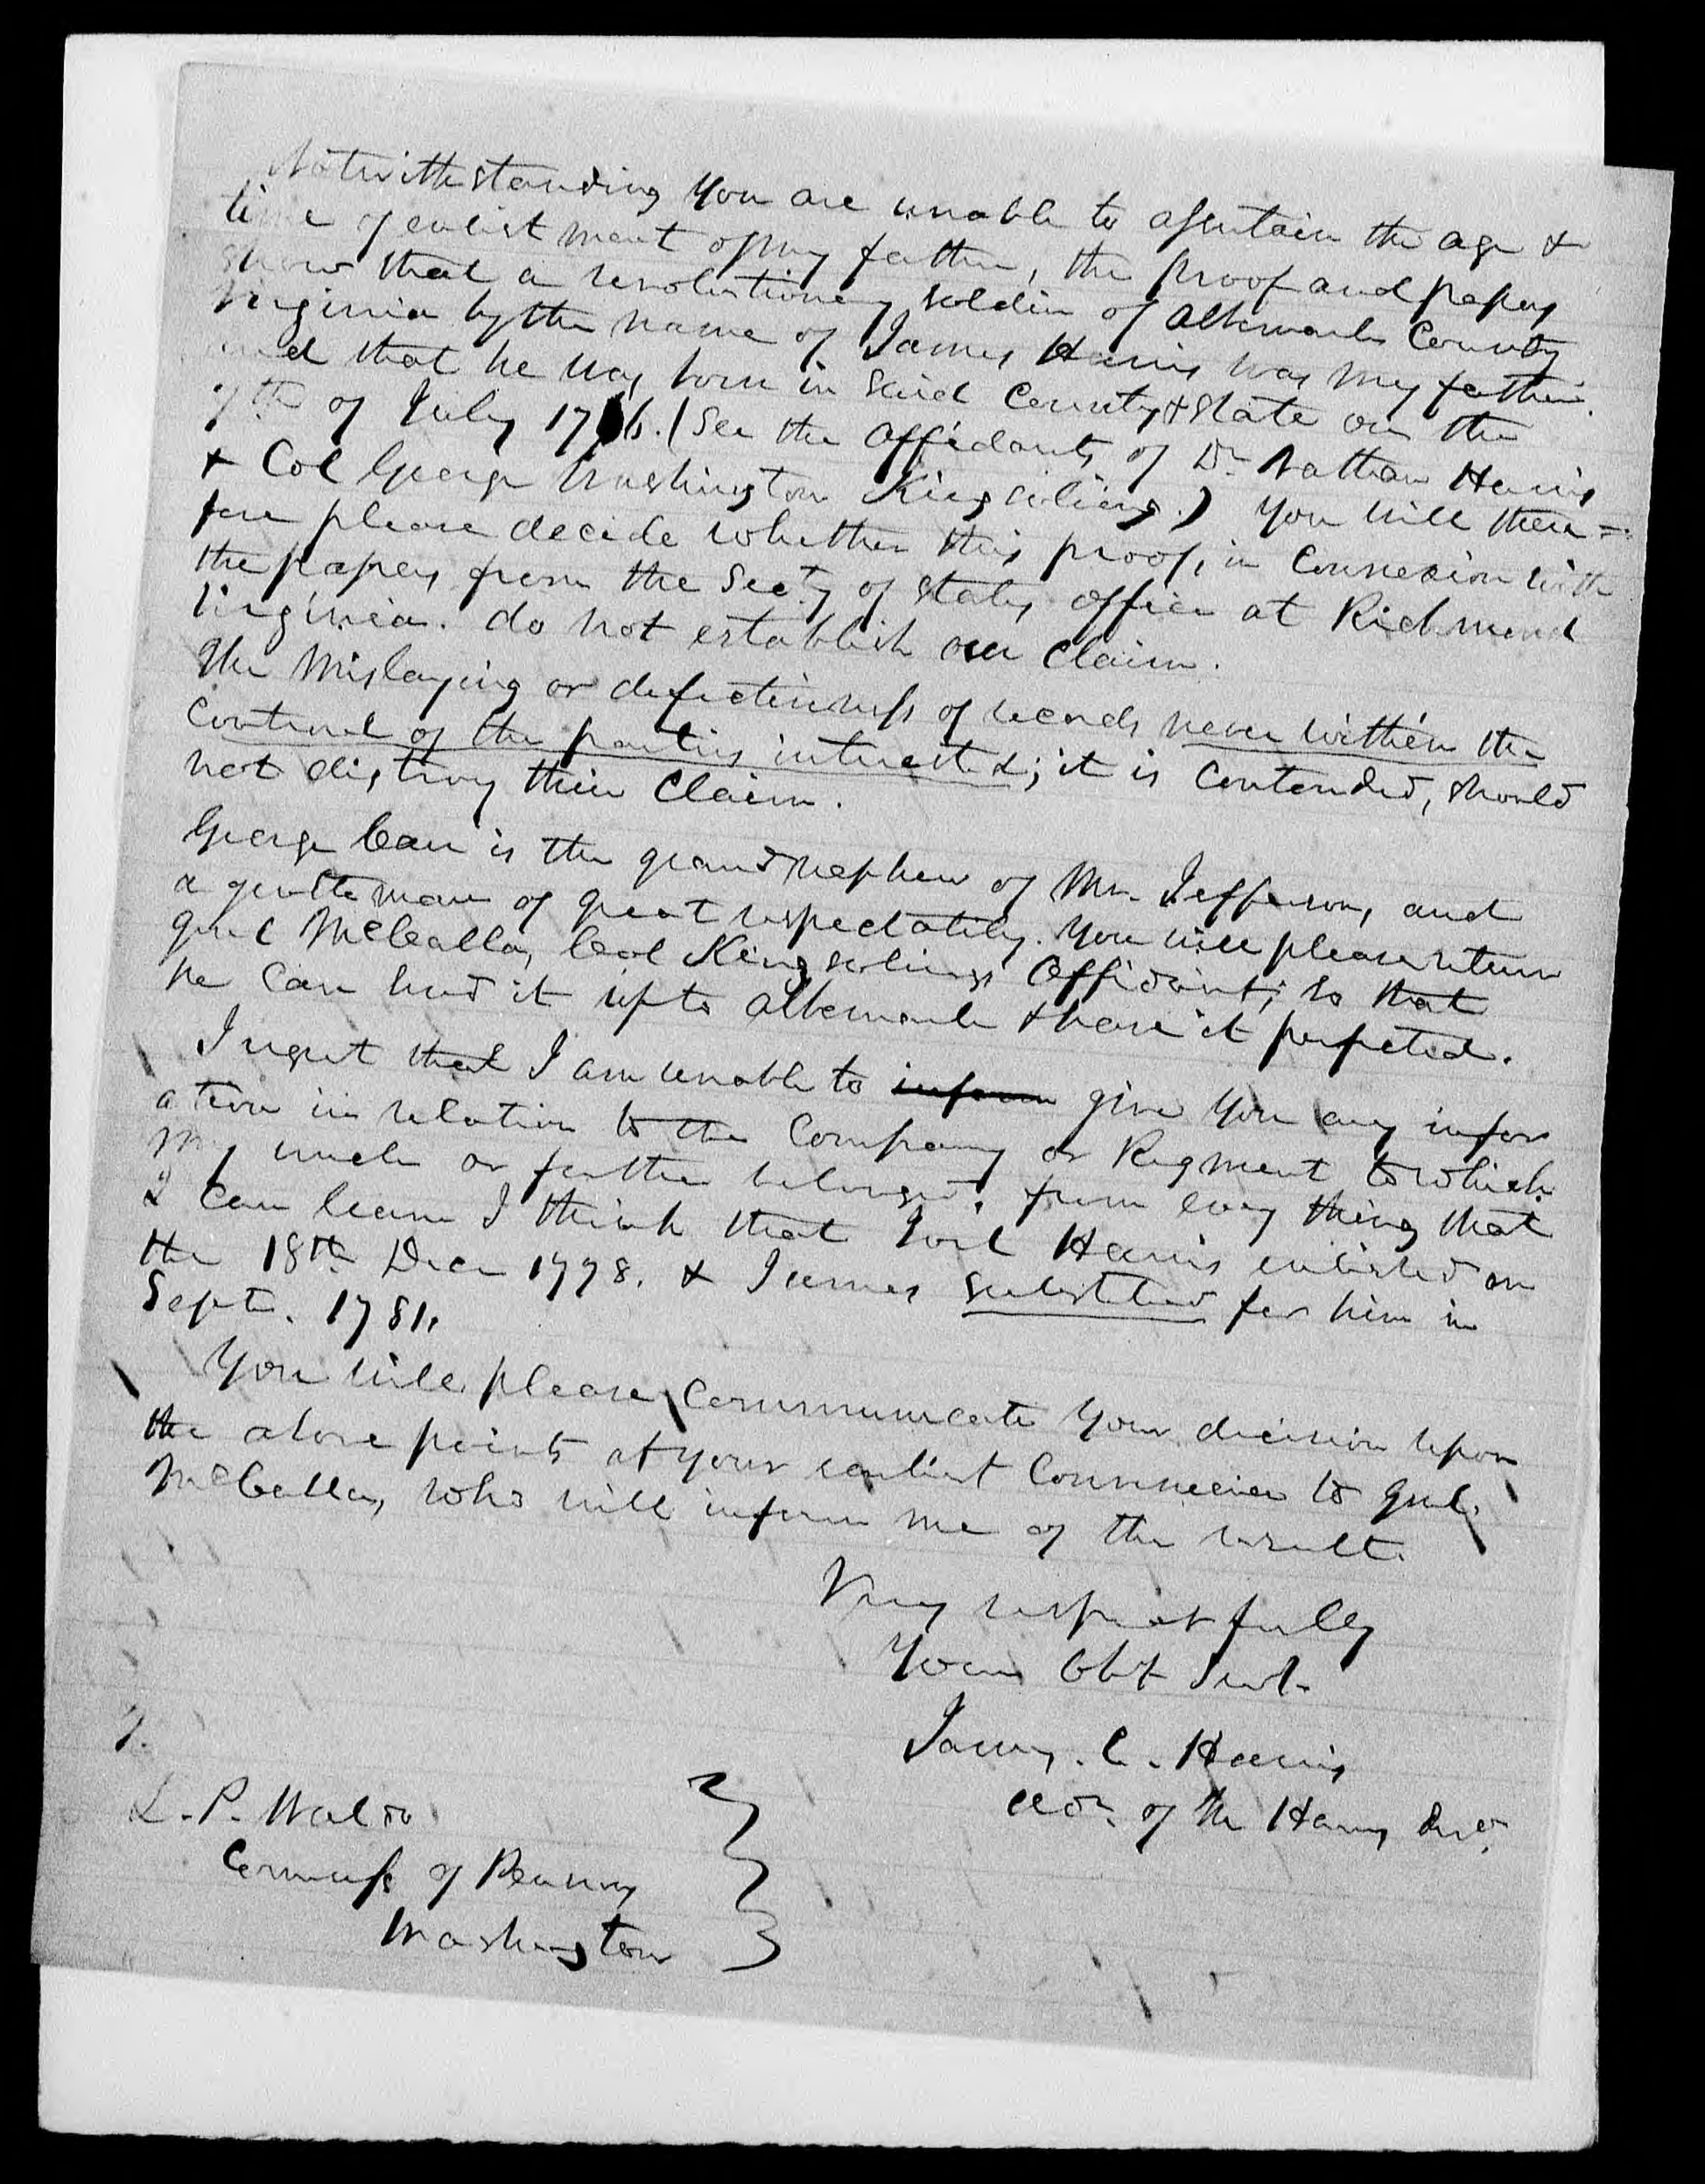Notwithstanding you are unable to ascertain the age & time of enlistment of my father, the proof and papers show that a revolutionary soldier of Albemarle County Virginia by the name of James Harris was my father and that he was born in said county & state on the 7th of July 17[blot]6 (See the affidavit of Fr Nathan Harris & Col George Washington Kingsolving). You will therefor please decide whether this proof in connexion with the papers from the Secty of States office at Richmond Virginia do not establish our claim.
   The mislaying or defectiveness of records never within the control of the parties interested, it is contended, should not destroy their claim.
    George Carr is the grand-nephew of Mr. Jefferson, and a gentleman of great respectibiity.  You will please return Genl. McCalla, Col Kingsolvings affidavit, so that he can send it up to Albemarle & have it perfected.
   I regret that I am unable to ["inform" marked out] give you any information in relation to the Company or Regiment to which my uncle or father belonged.  From everything that I can learn I think that Joel Harris enlisted on the 18th Dec 1778 & James substituted for him in Sept 1781.
   You will please communicate your decision upon the above points at your earliest convenience to Gnl McCalla who will inform me of the result.
     Very Respectfully
     Your Obt. Srvt.
     James C. Harris
     [?] of the Harris [?]

L. P. Waldo}
Commiss of Pensions}
Washington}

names: Mc Calla, Nathan Harris, George Washington, Jefferson, James Harris, Mc Calla, George Carr, L P Waldo, Joel Harris, Kingsolving, James C Harris, James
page: 19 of 160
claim: rejected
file: R. 4666, James Harris, Va.